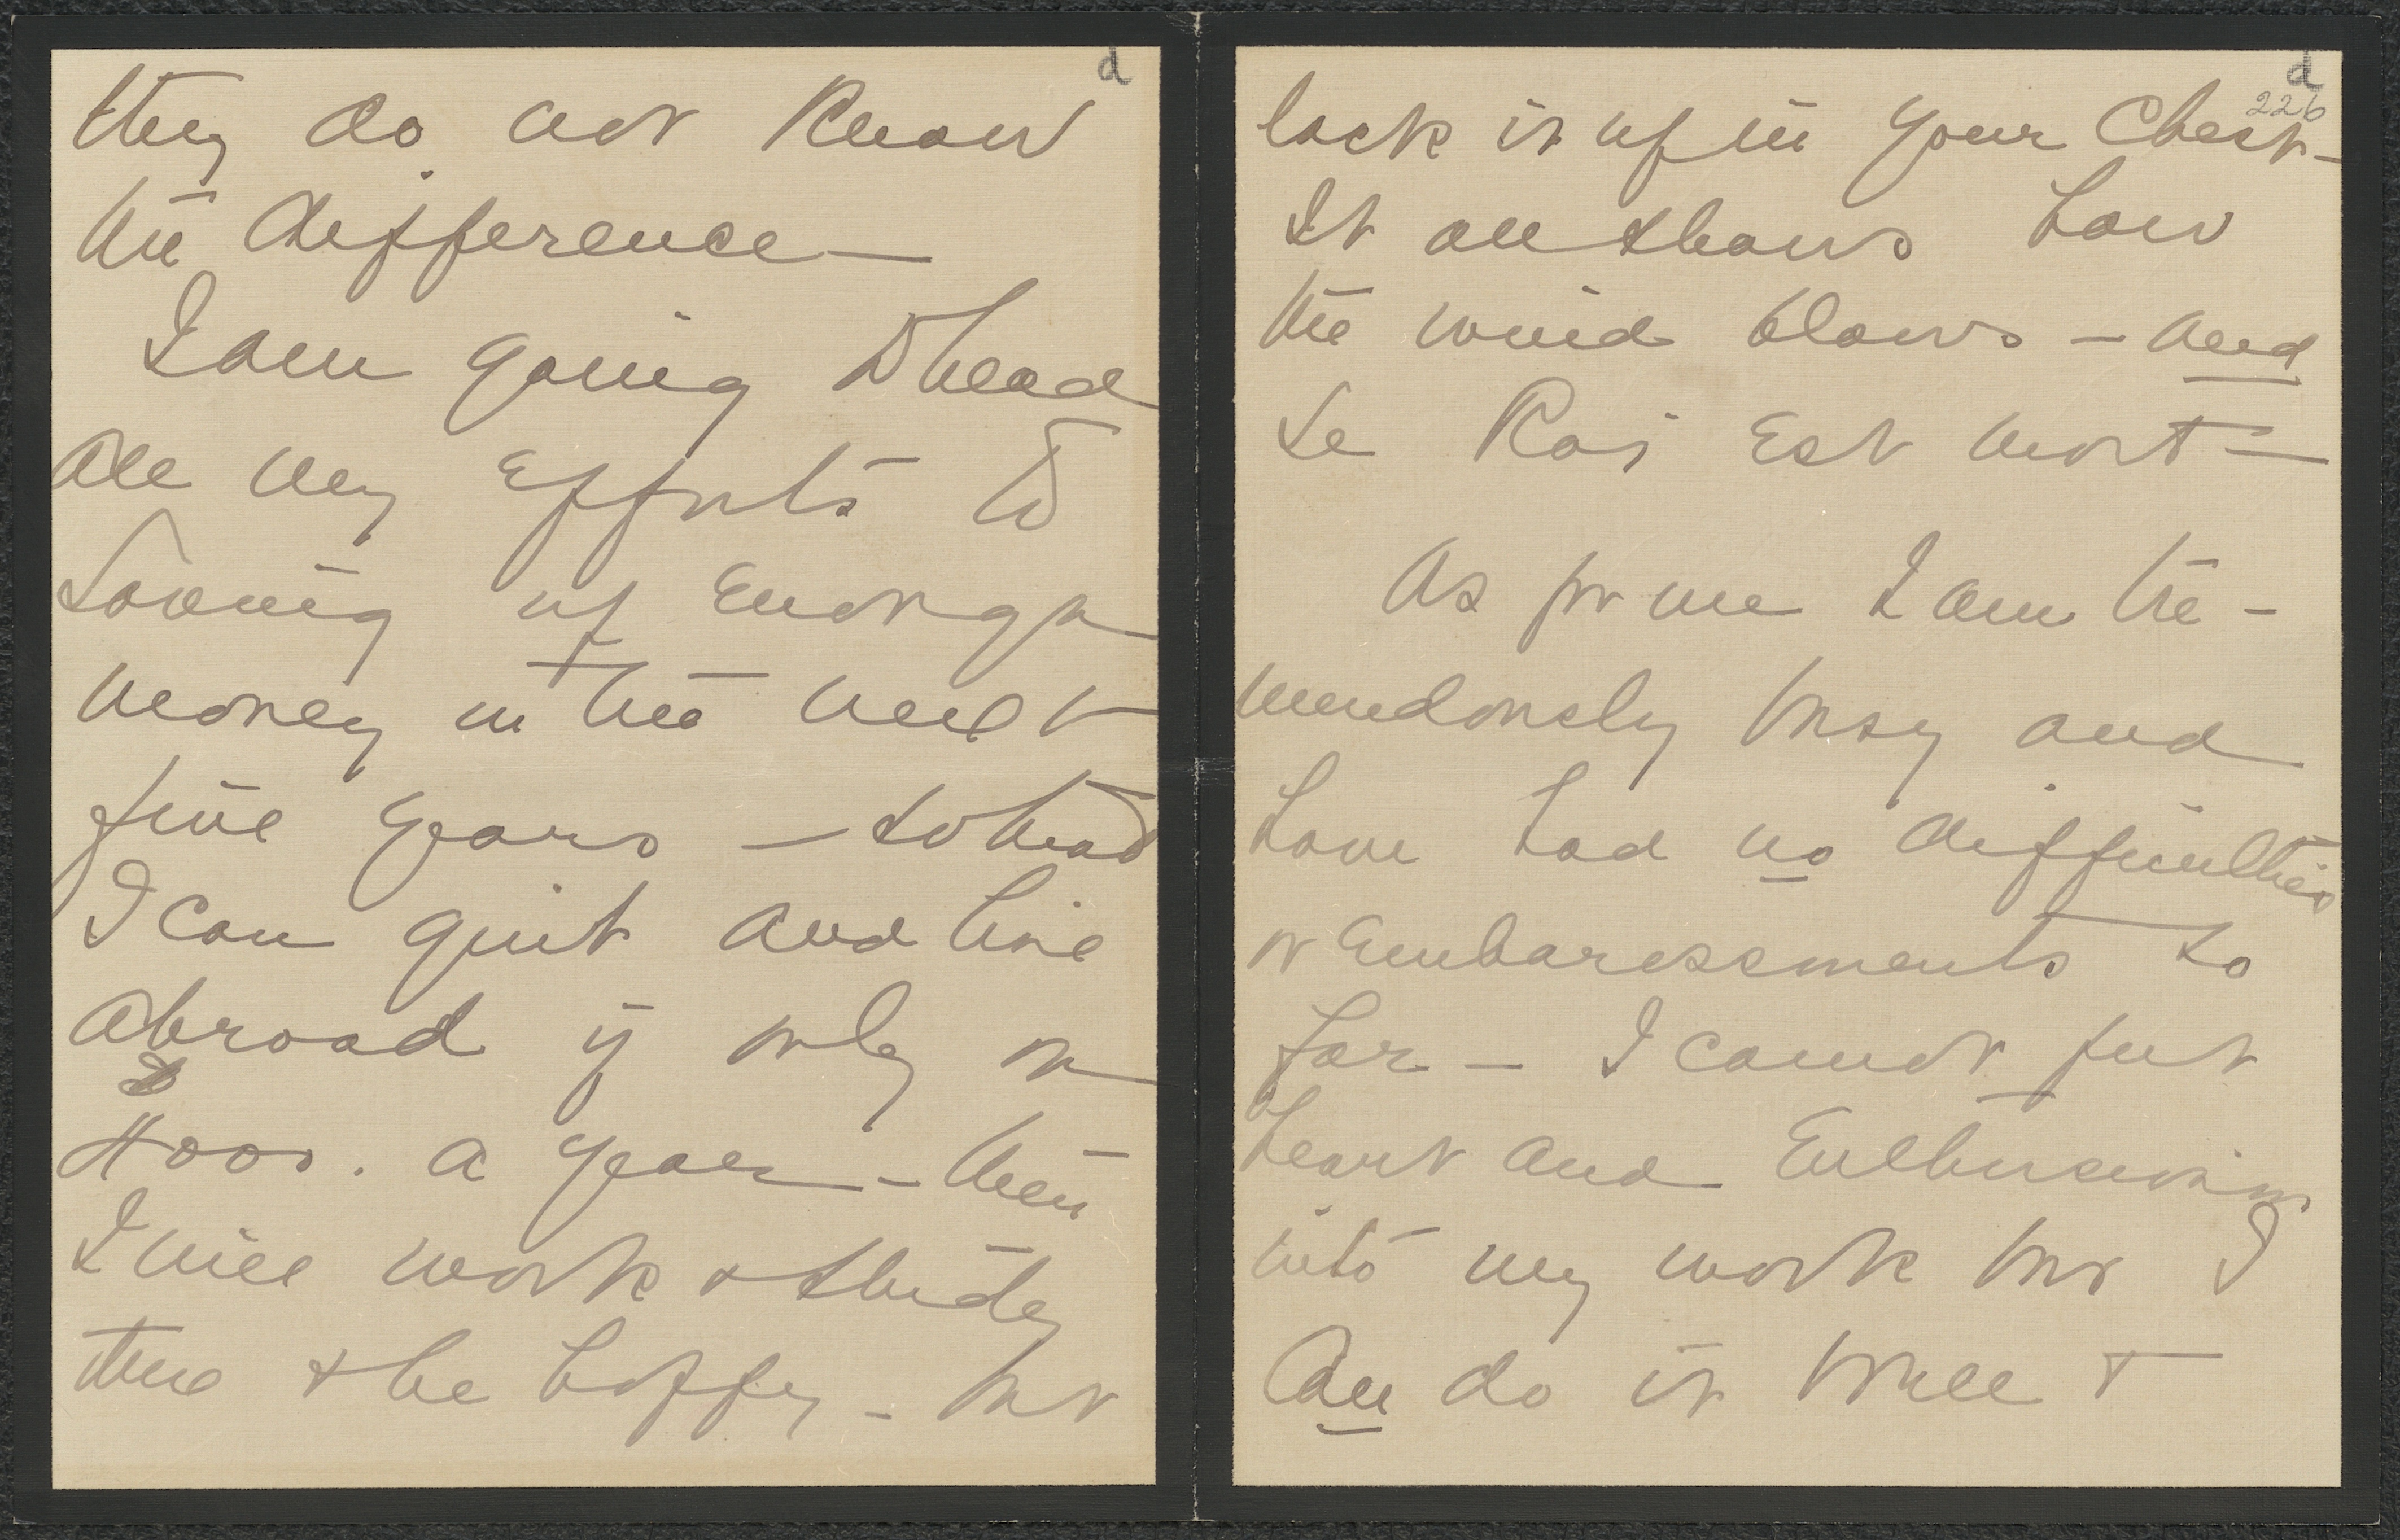lock it up in your chest – It all shows how the wind blows – and Le Roi est mort –
As for me I am tremendously busy and have had no difficulties or embarassments [sic] so far – I cannot put heart and enthusiasm into my work but I can do it well &
they do not know the difference –
I am going to head all my efforts to saving up enough money in the next five years – so that I can quit and live abroad if only on $4000. a year – then I will work & study there & be happy – but